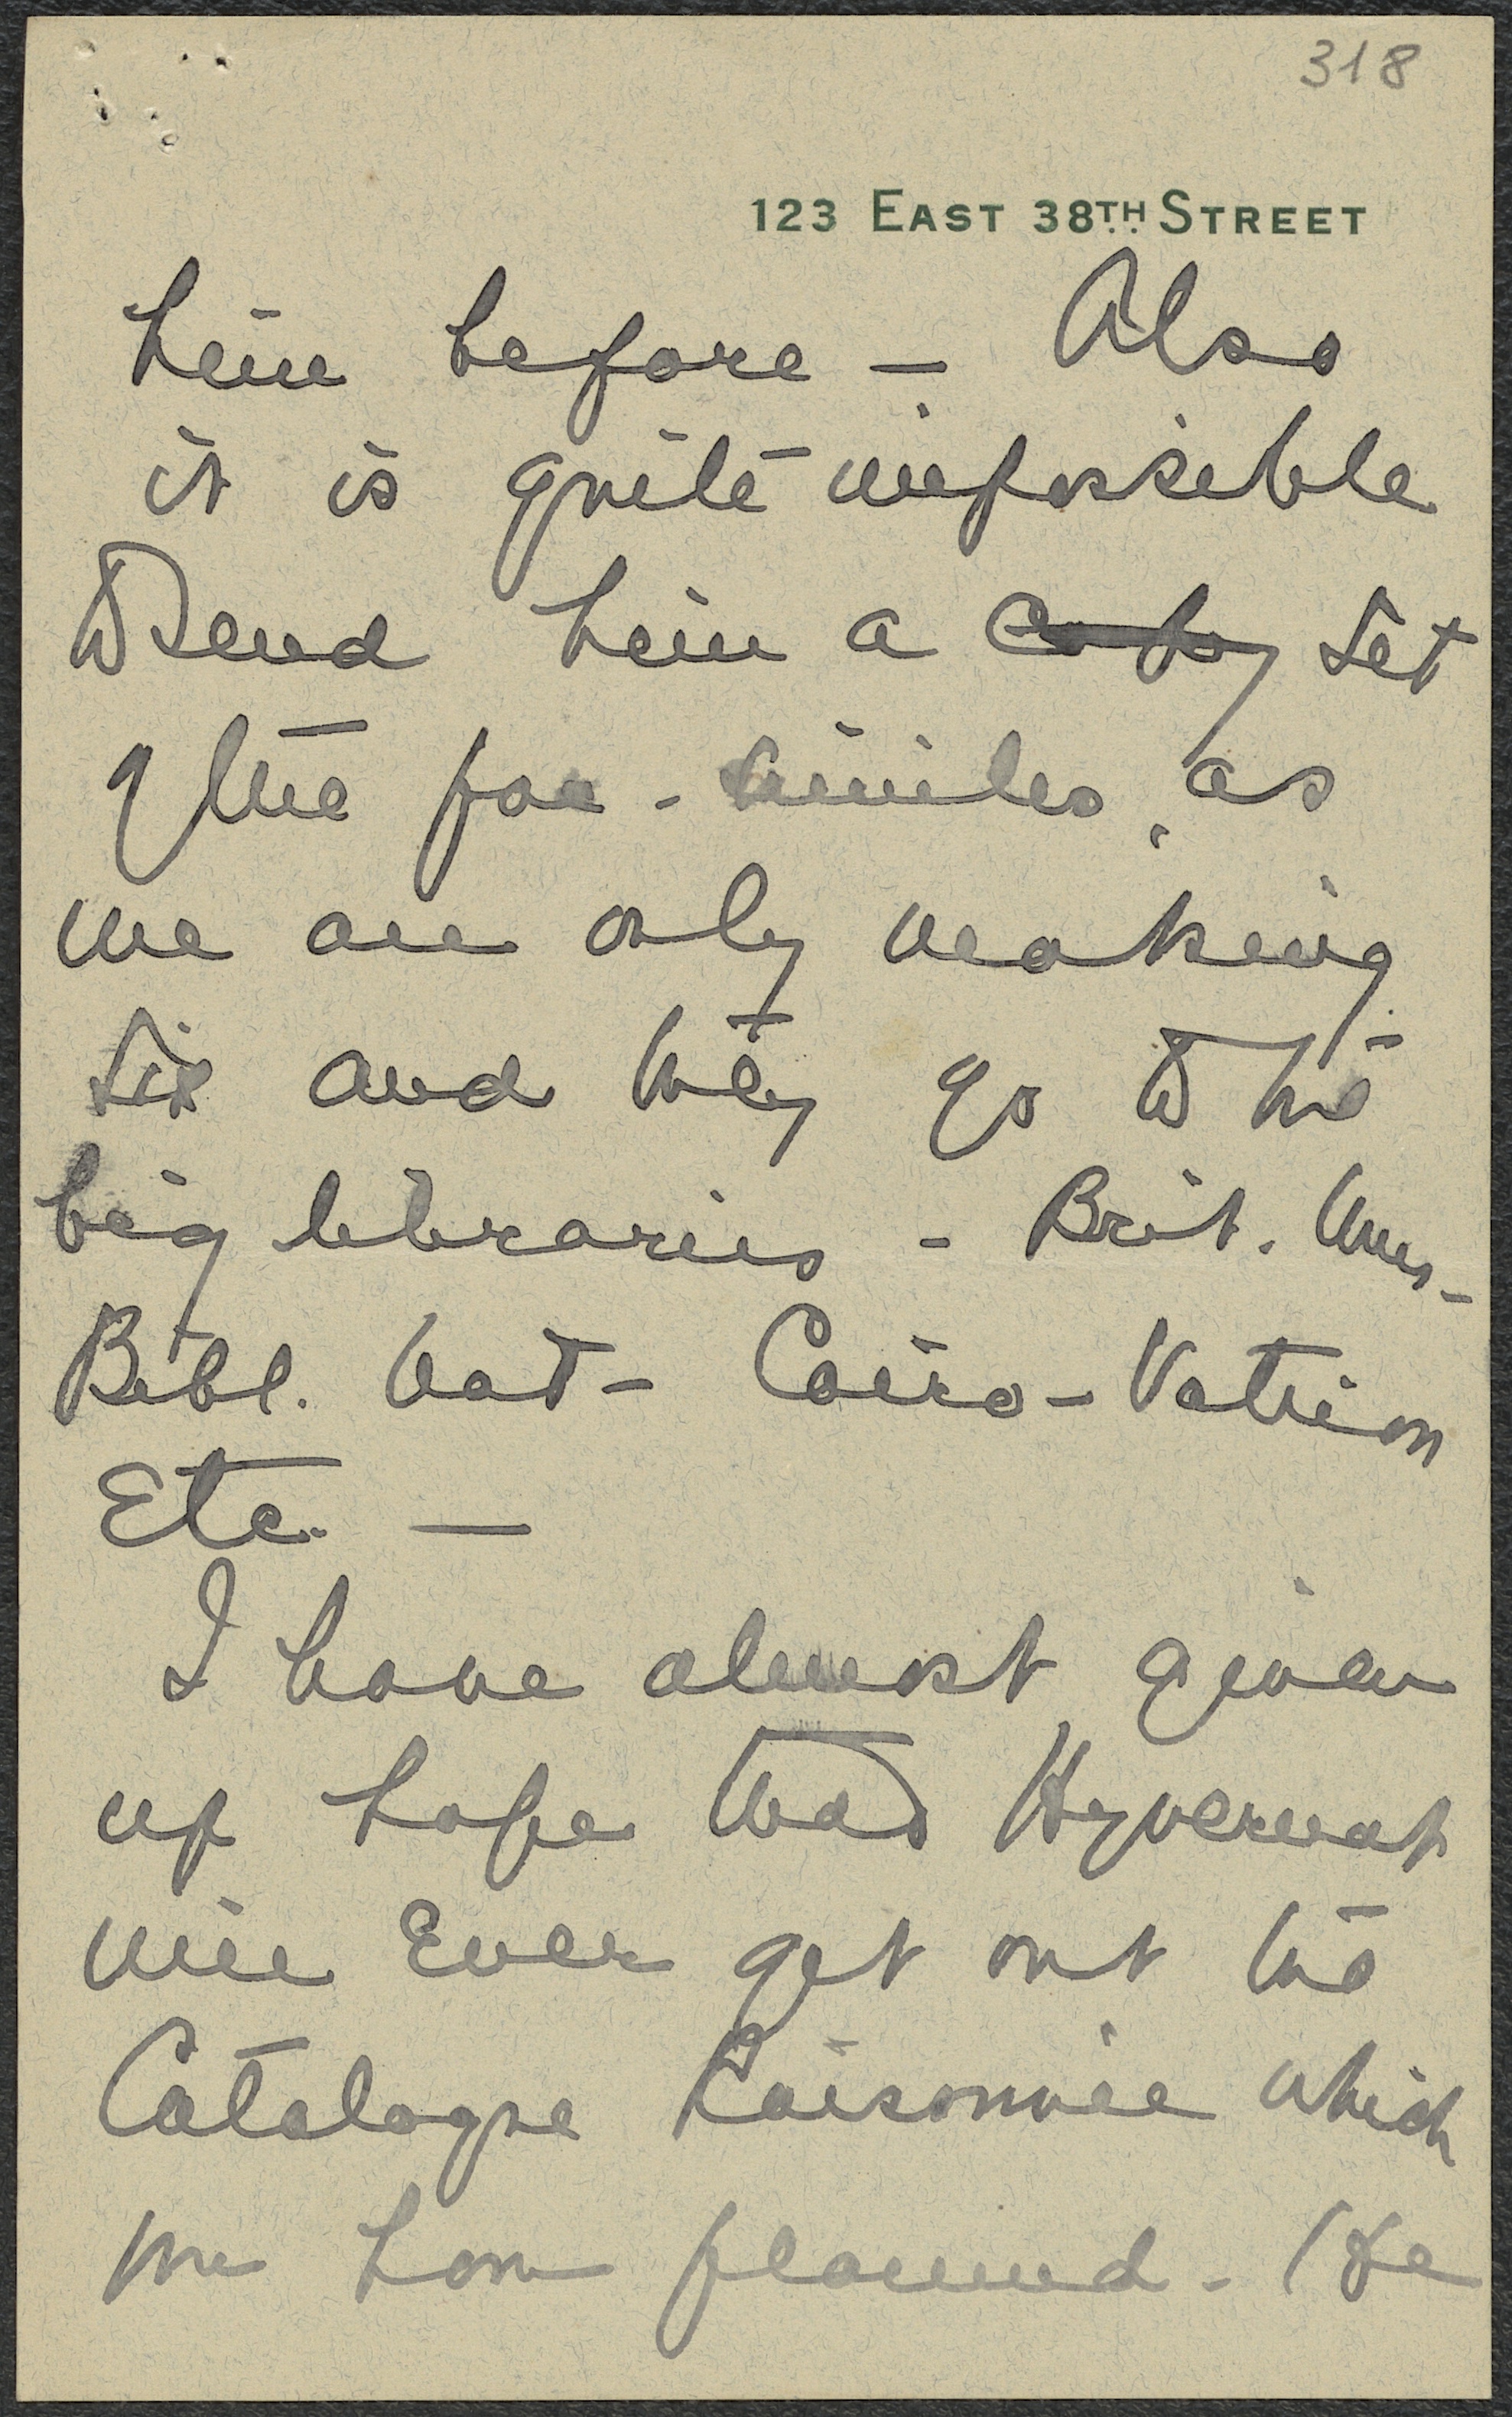him before – Also it is quite impossible to send him a copy set of the fac-similes, as we are only making six and they go to the big libraries – Brit. Mus – Bibl. Nat – Cairo – Vatican Etc. –
I have almost given up hope that Hyvernat will ever get out the Catalogue Raisonne which we have planned. He